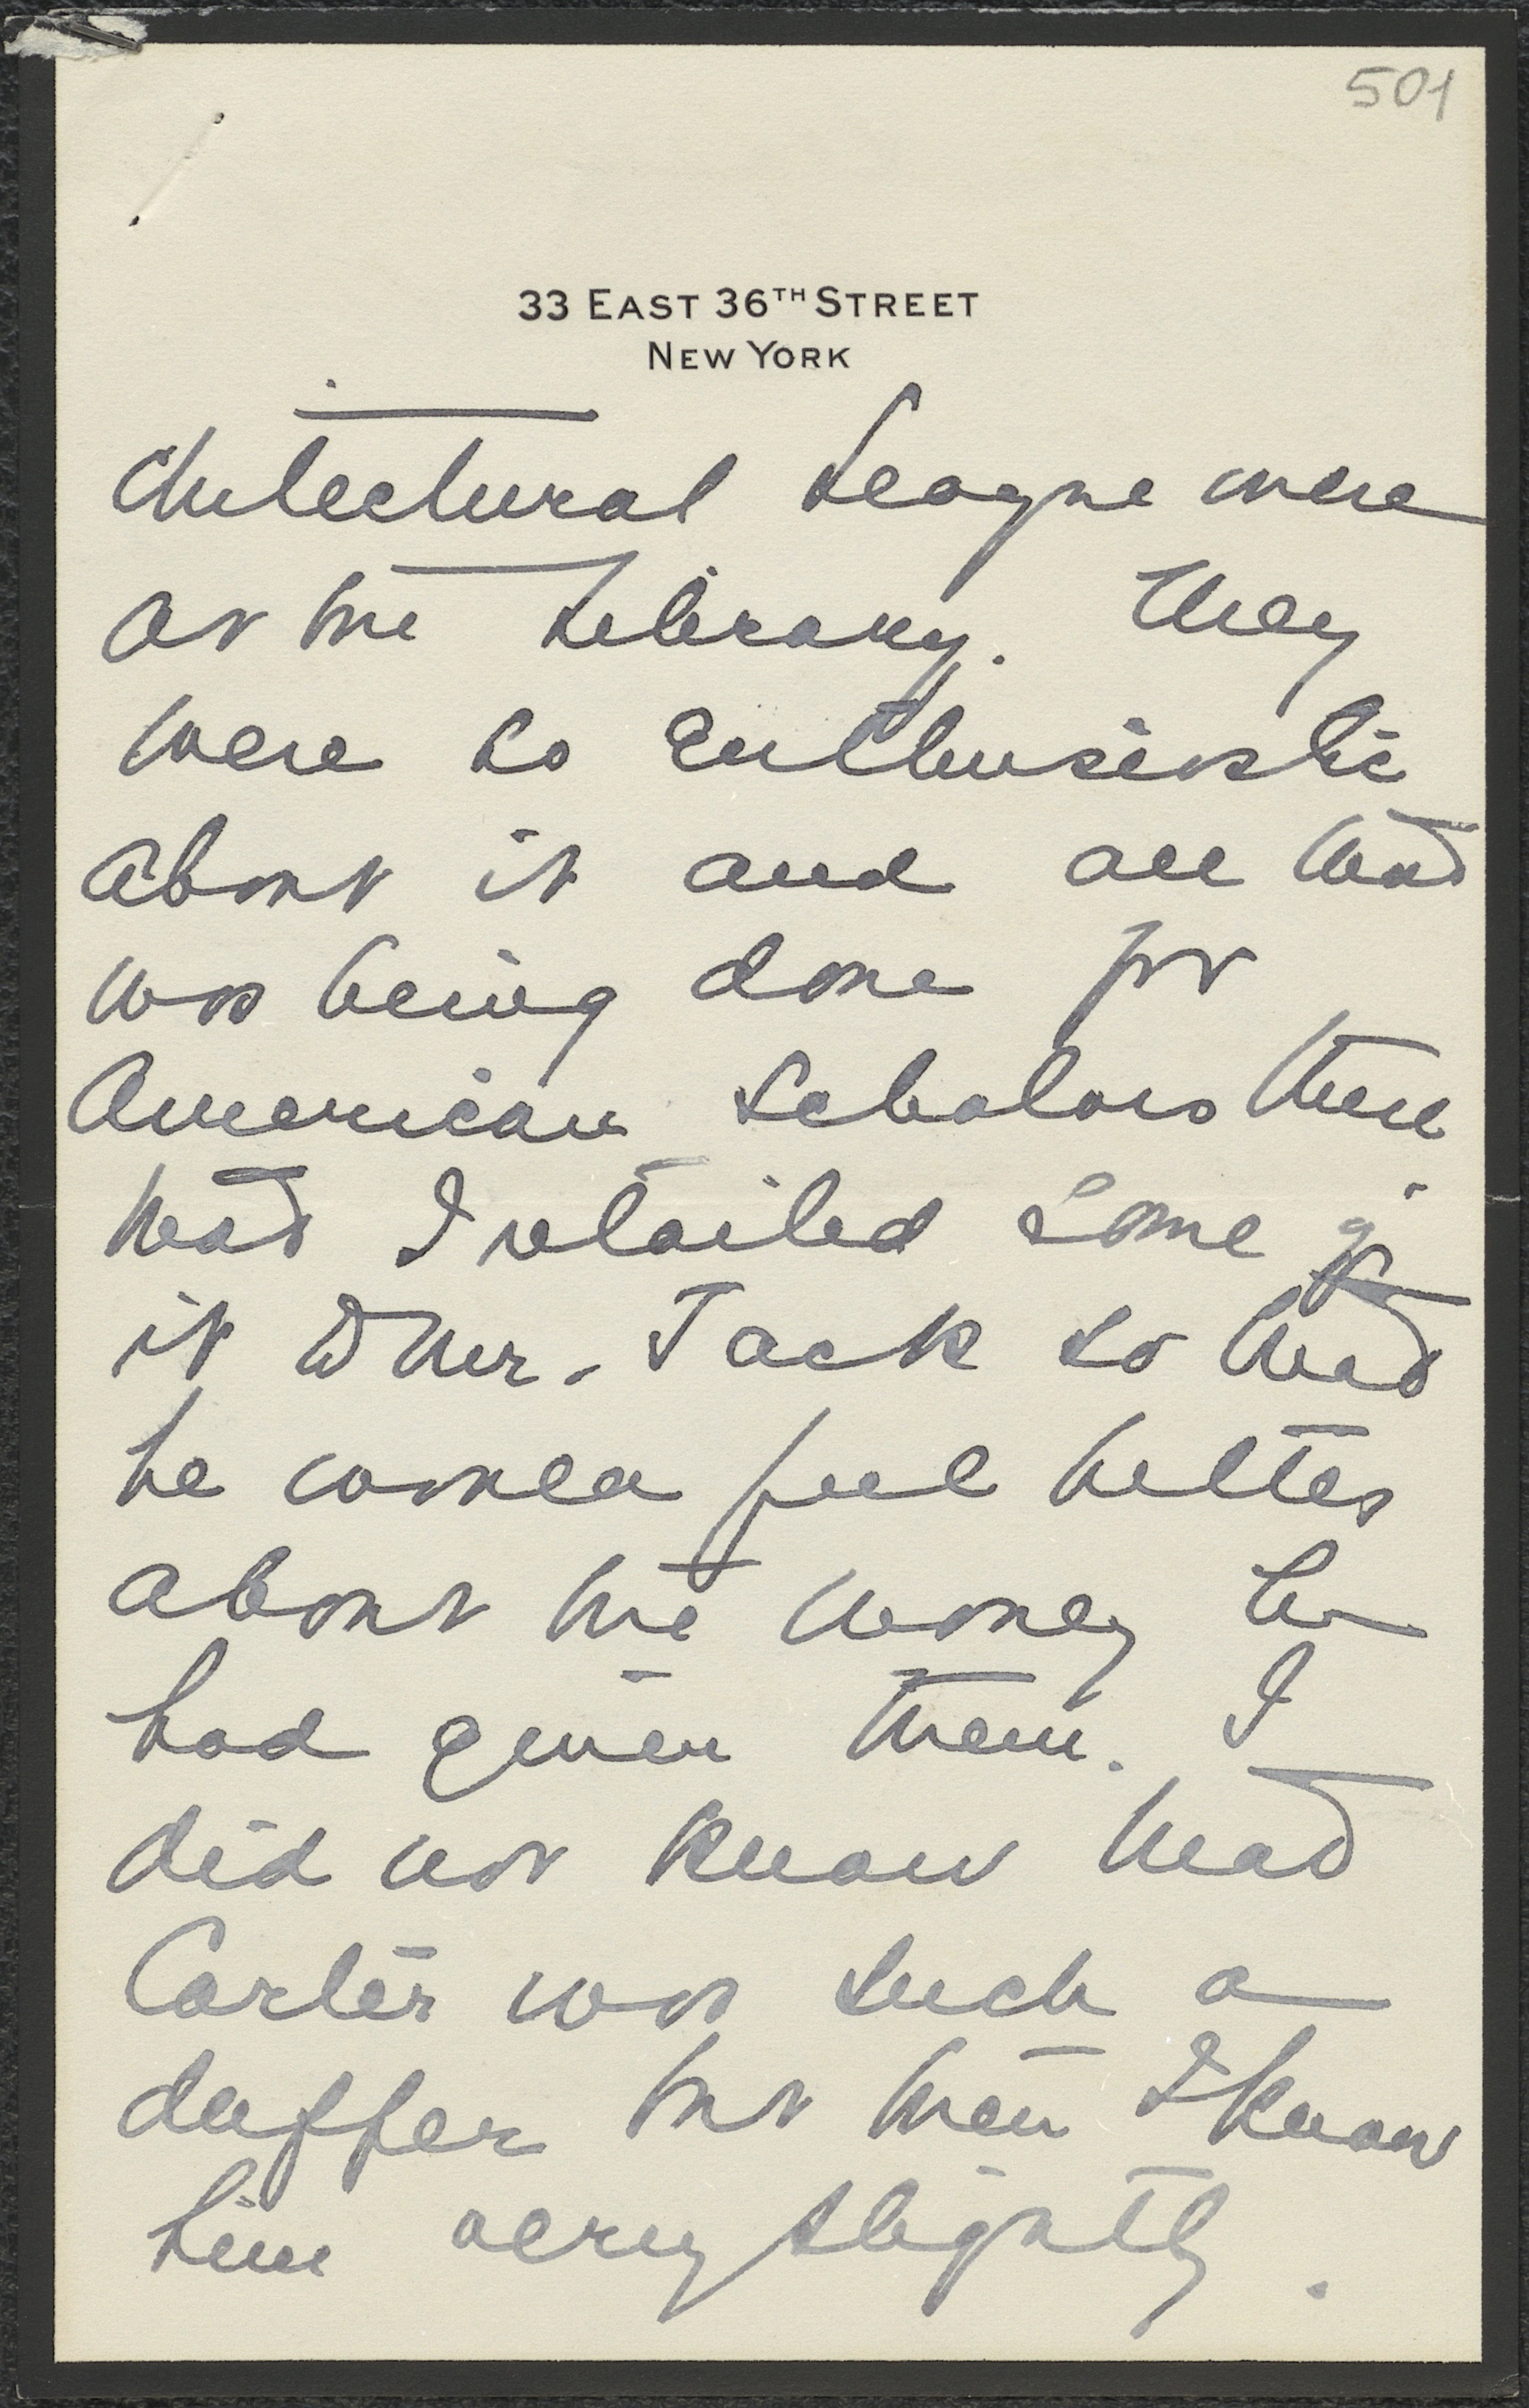Architectural League were at the Library. They were so enthusiastic about it an all that was being done for American scholars there that I retailed some of it to Mr. Jack so that he could feel better about the money he had given them. I did not know that Carter was such a duffer but then I know him very slightly.